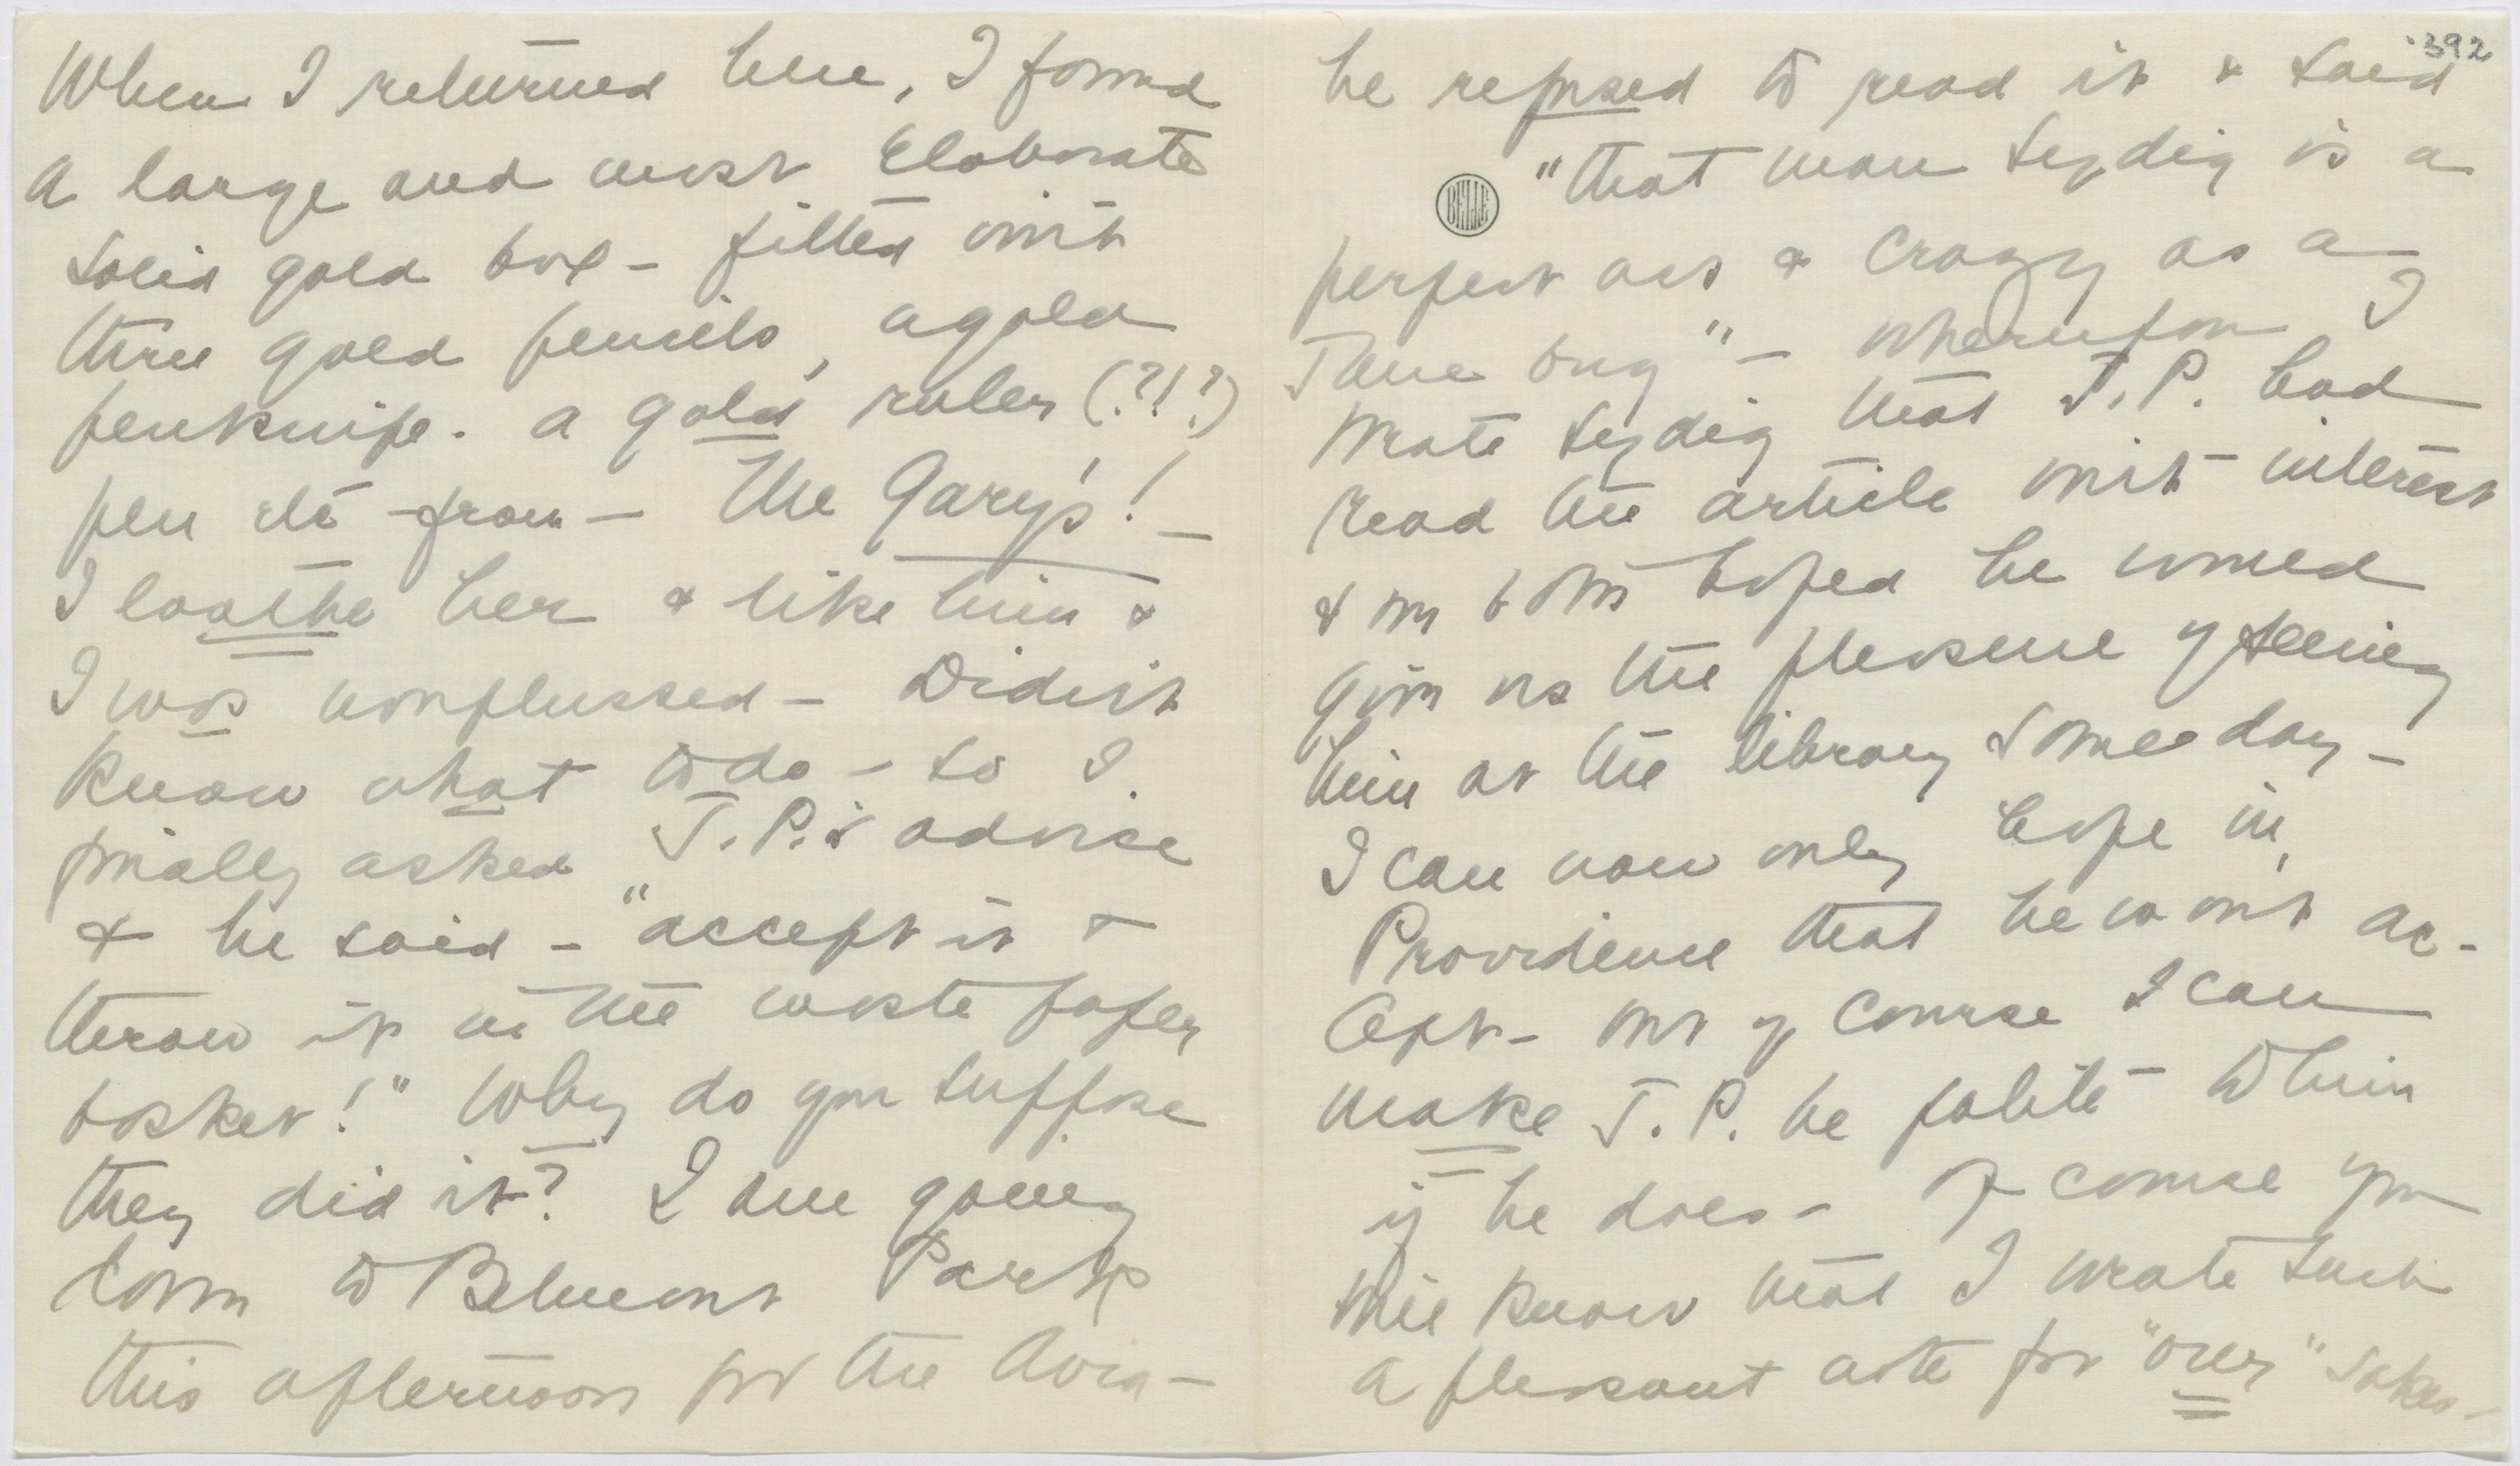he refused to read it & said “that man Lydig is a perfect ass & crazy as a June bug” – whereupon I wrote Lydig that J. P. had read the article with interest & we both hoped he would give us the pleasure of seeing him at the library someday – I can now only hope in Providence that he won’t accept – but of course I can [double underlined: make] J. P. be polite to him if he does – Of course you will know that I wrote such a pleasant note for “[double underlined: our]” sakes –
When I returned here, I found a large and most elaborate solid gold box – filled with three gold pencils, a gold penknife, a gold ruler (?!?) pen etc. – from – The Gary’s! – I [double underlined: loathe] her & like him & I was nonplussed – Didn’t know what to do – so I finally asked J. P.’s advice & he said – “accept it & throw it in the waste paper basket!” Why do you suppose they did it? I am going down to Belmont Park this afternoon for the Aviation